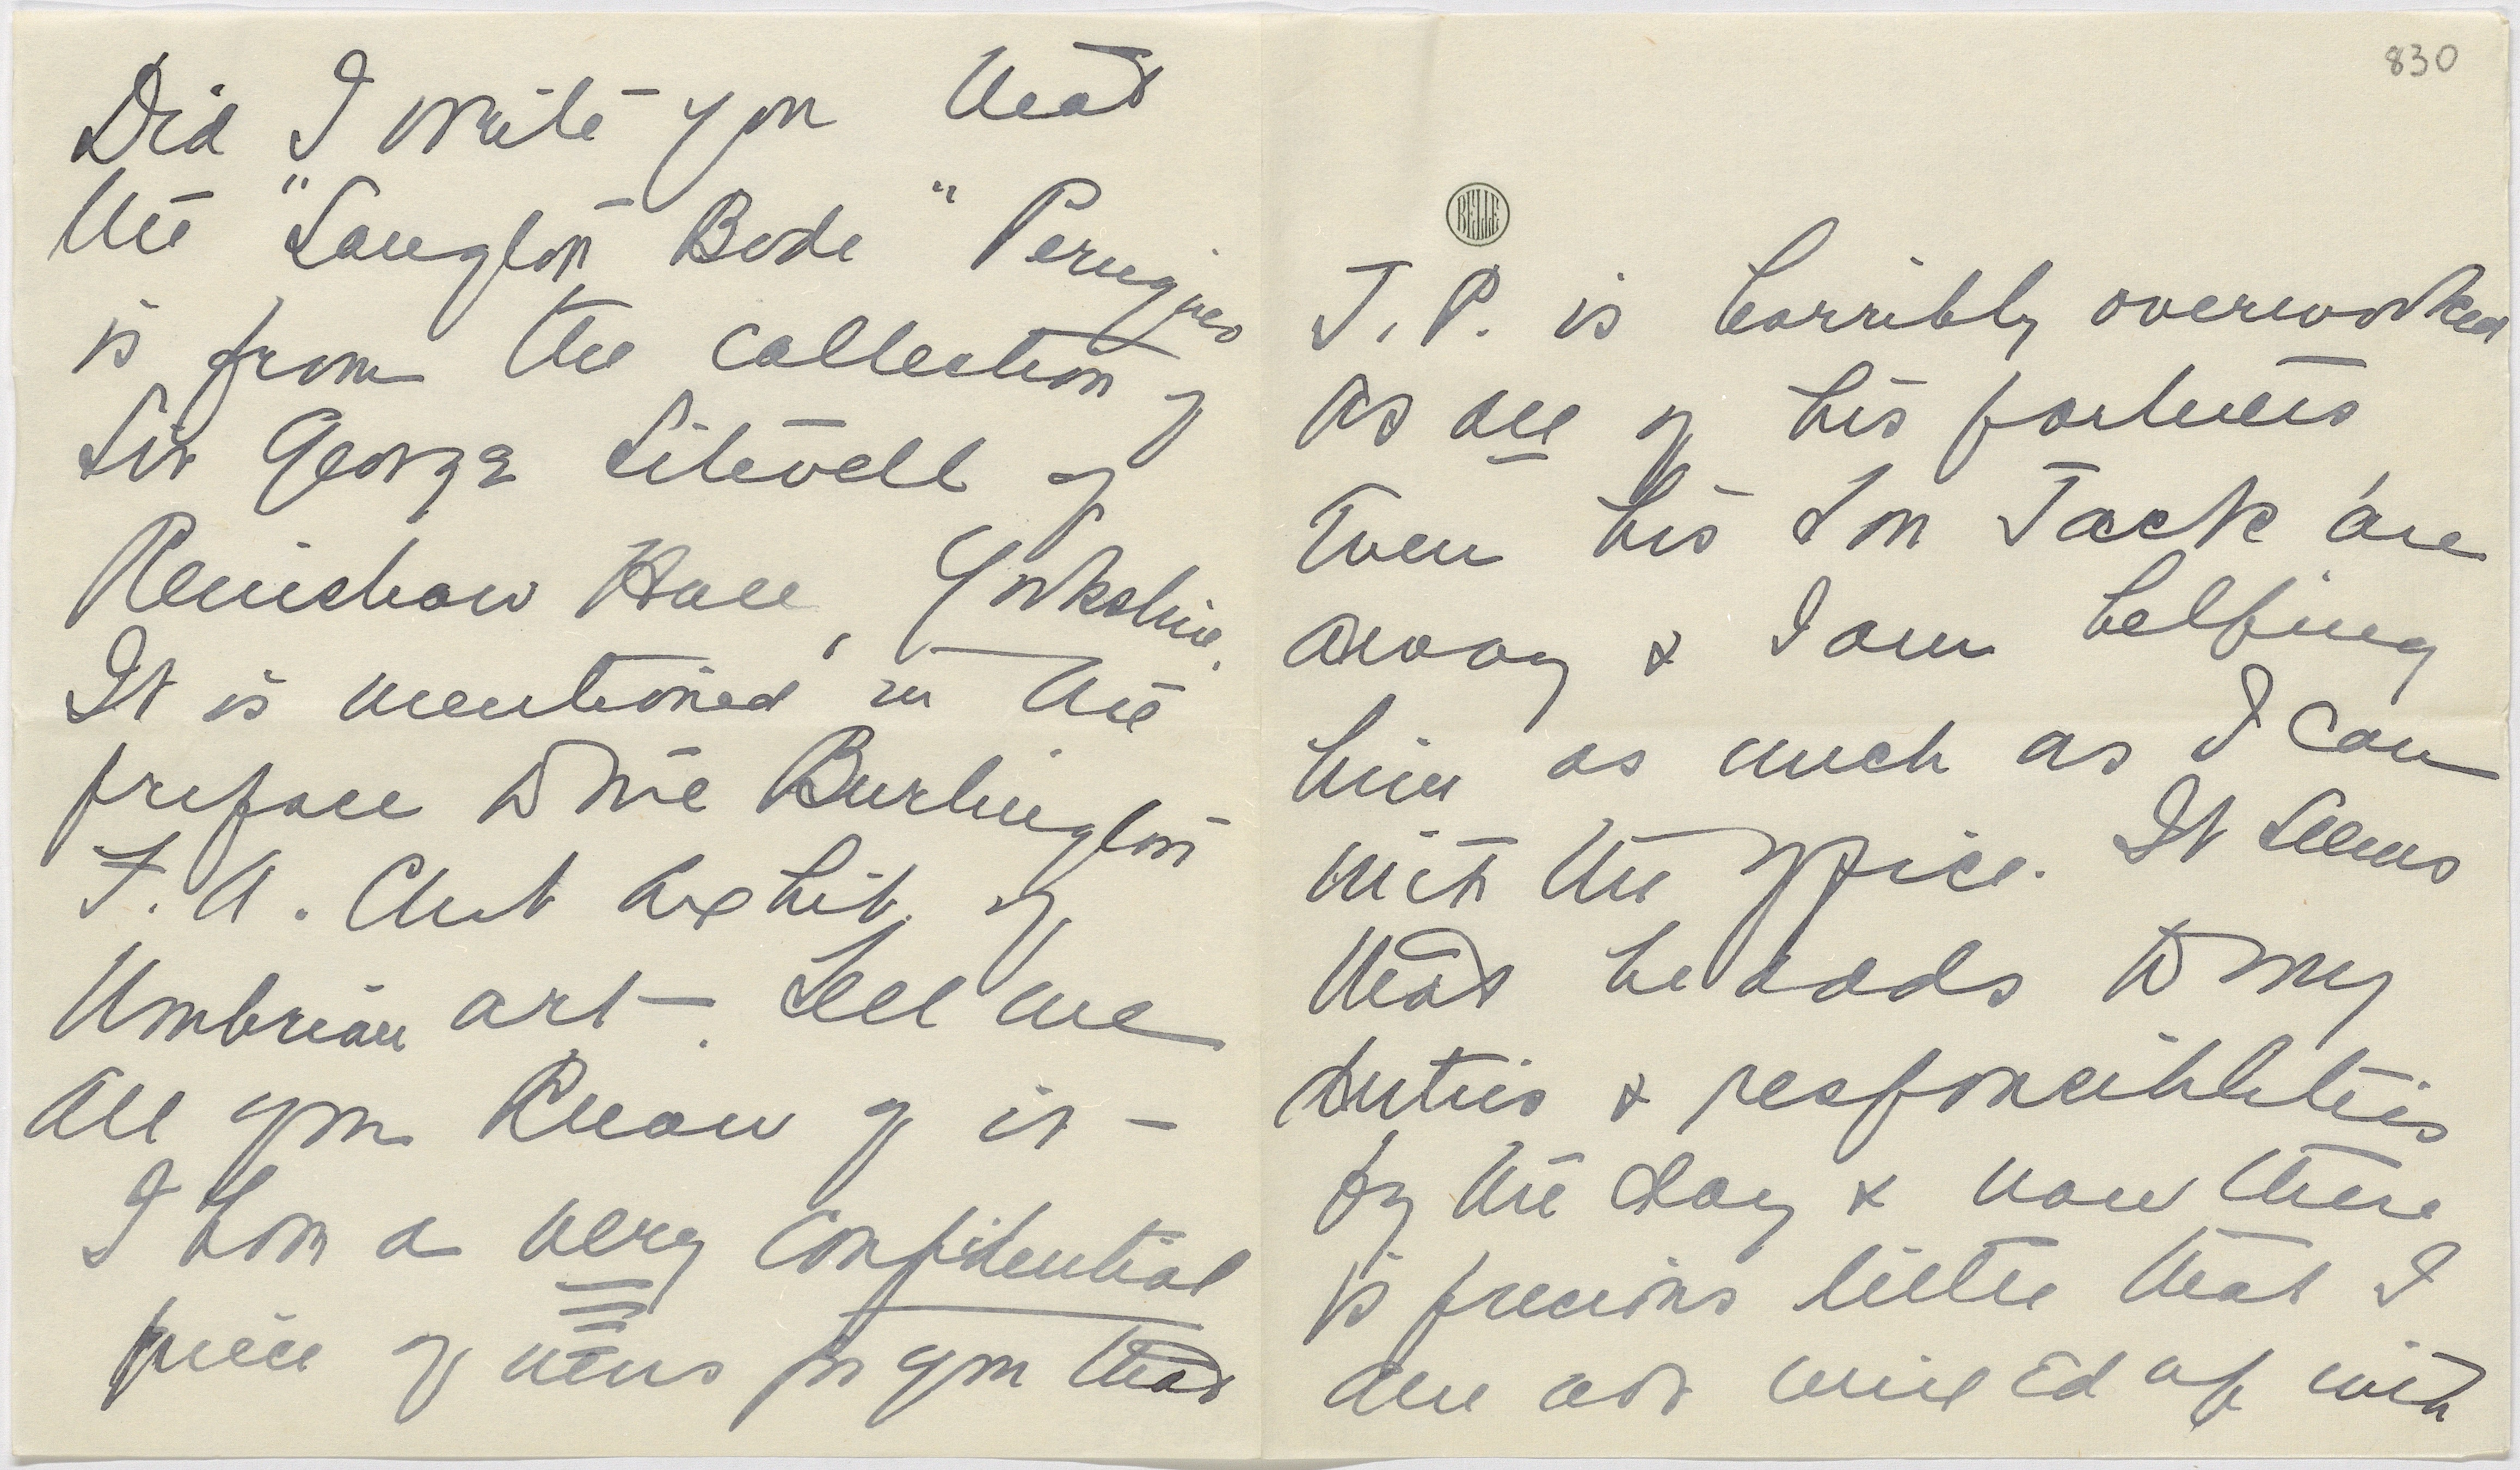J. P. is horribly overworked as all of his partners, Even his son Jack are away & I am helping him as much as I can with the office. It seems that he adds to my duties & responsibilities by the day & now there is precious little that I am not mixed up with
Did I write you that the “Langton Bode” Peregino is from the collection of Sir George Sitwell of Renishaw Hall, Yorkshire. It is mentioned in the preface to the Burlington F.A. Club exhib. of Umbrian art. Tell me all you know of it –
I have a [quadruple underlined: very] confidential piece of news for you that